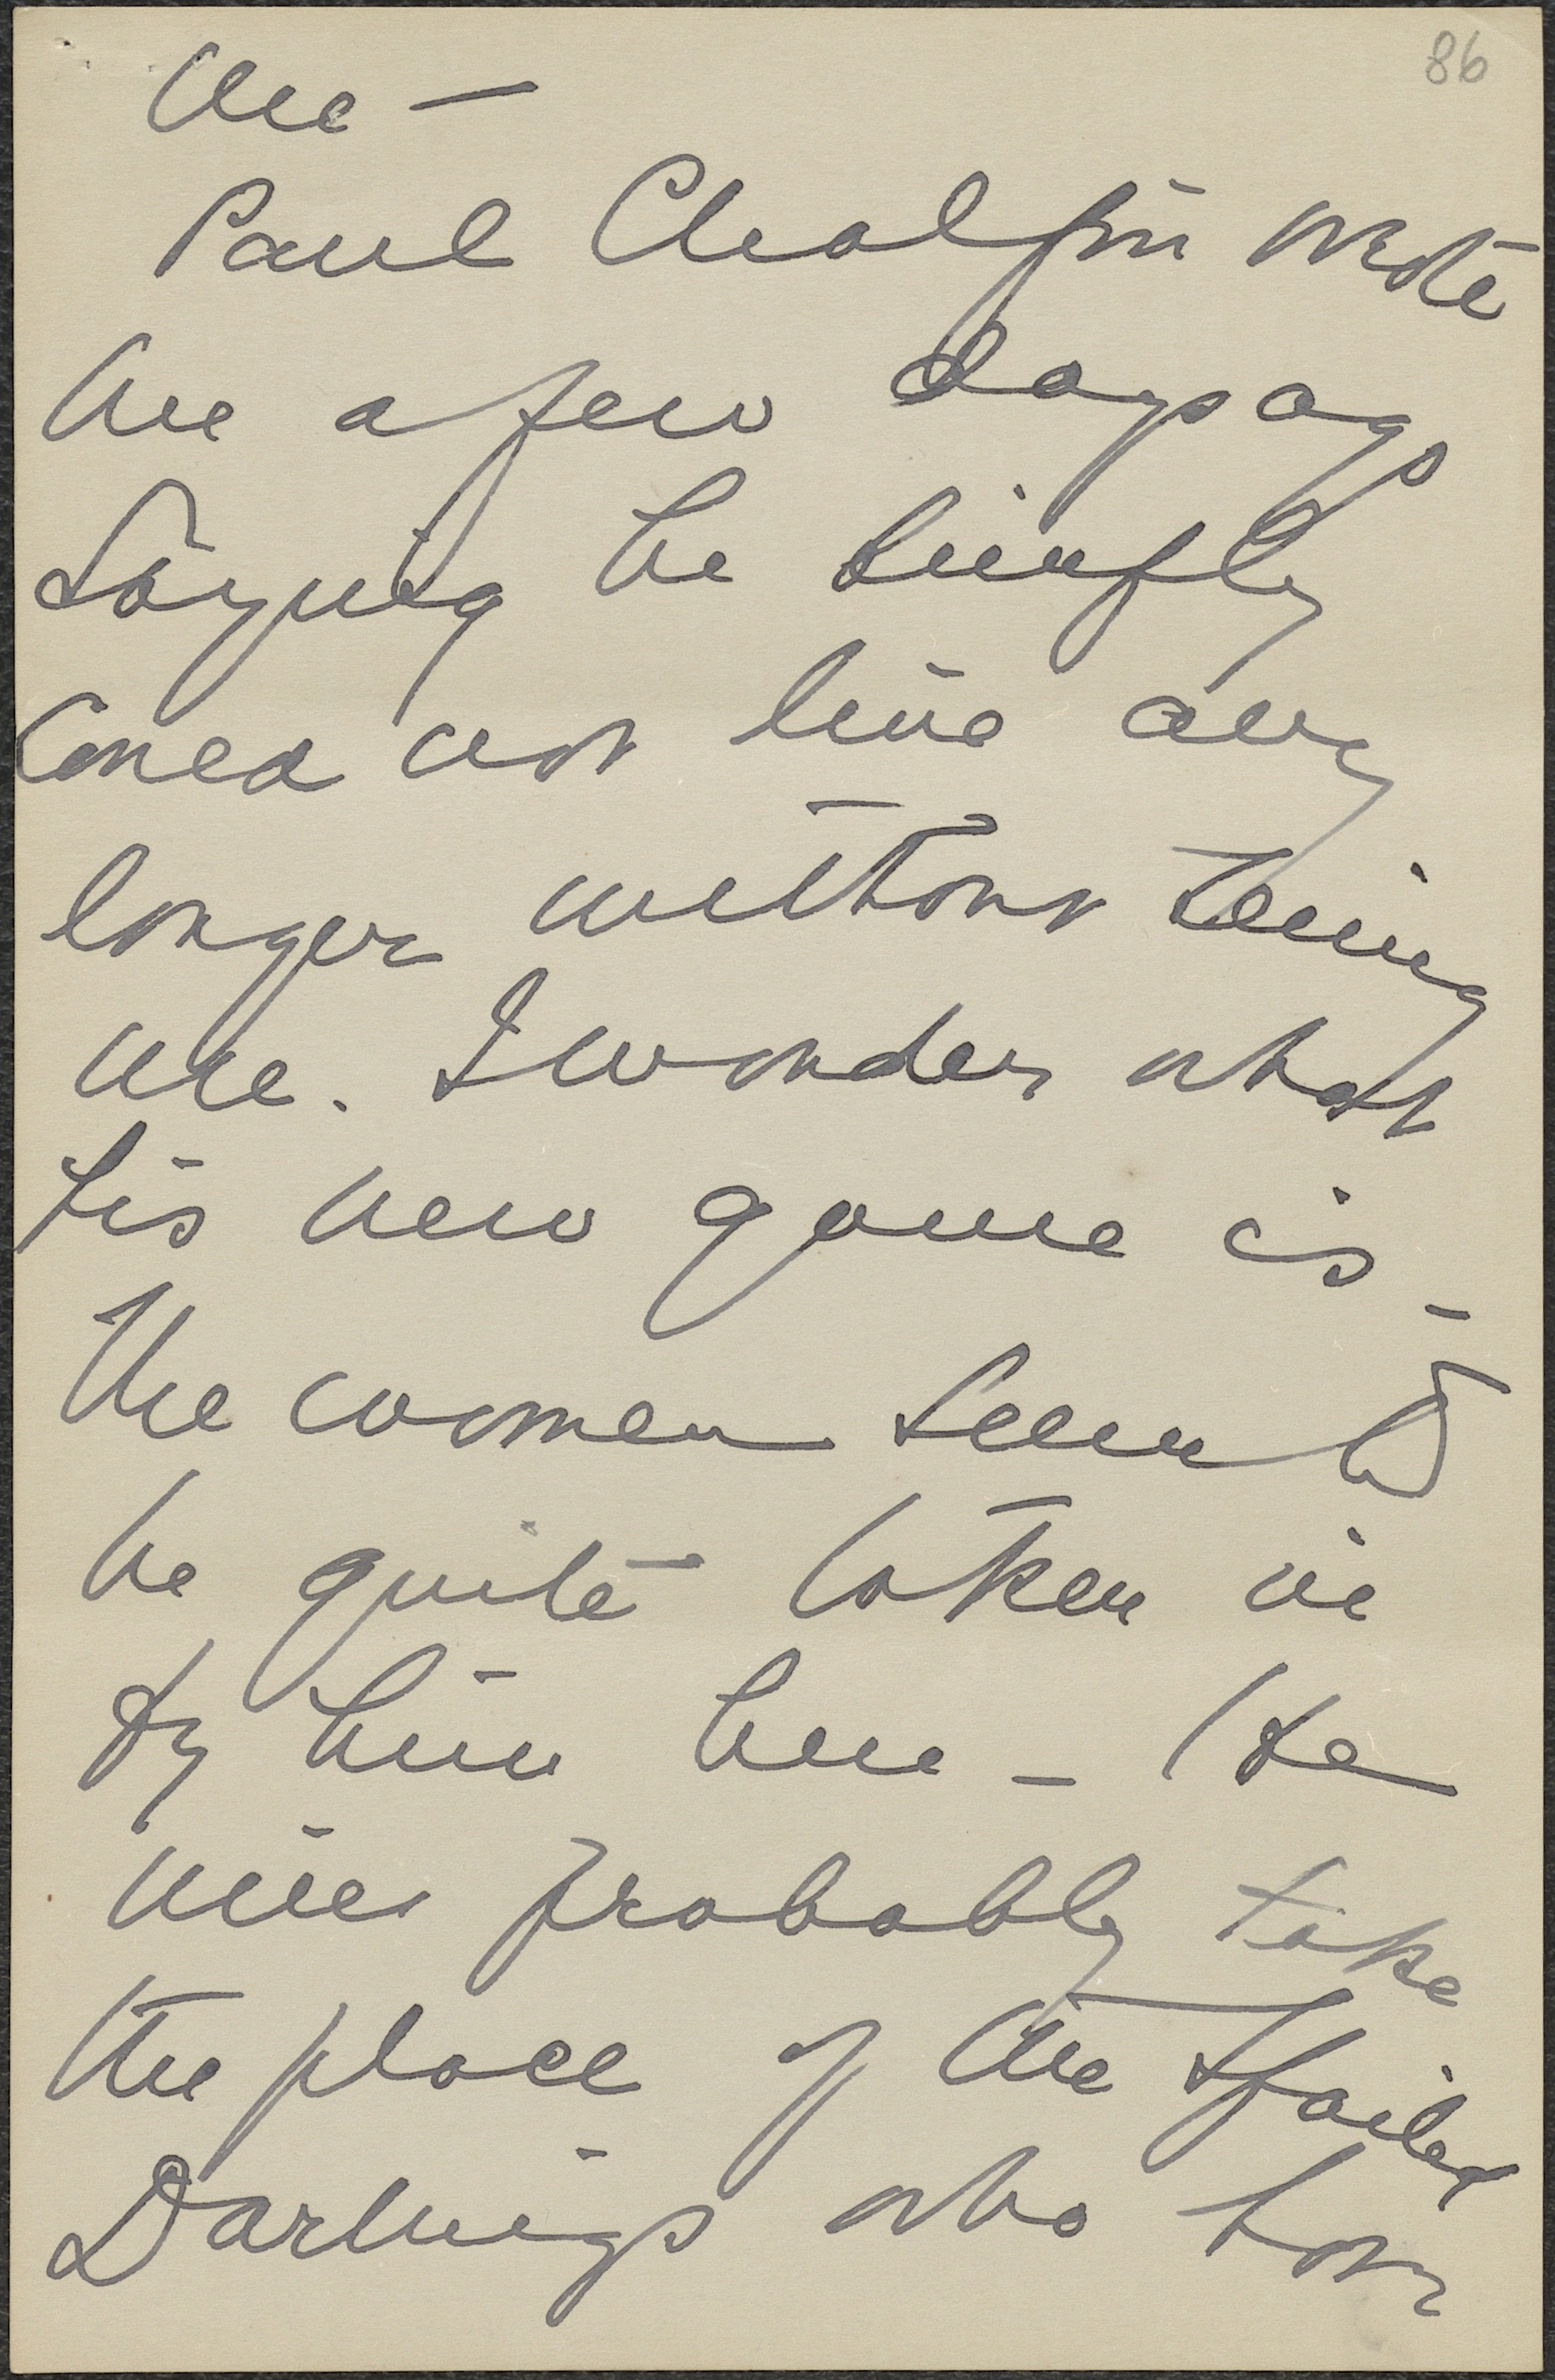me –
Paul Chalfin wrote me a few days ago saying he simply could not live any longer without seeing me. I wonder what his new game is – The women seem to be quite taken in by him here – He will probably take the place of the spoiled Darlings who have